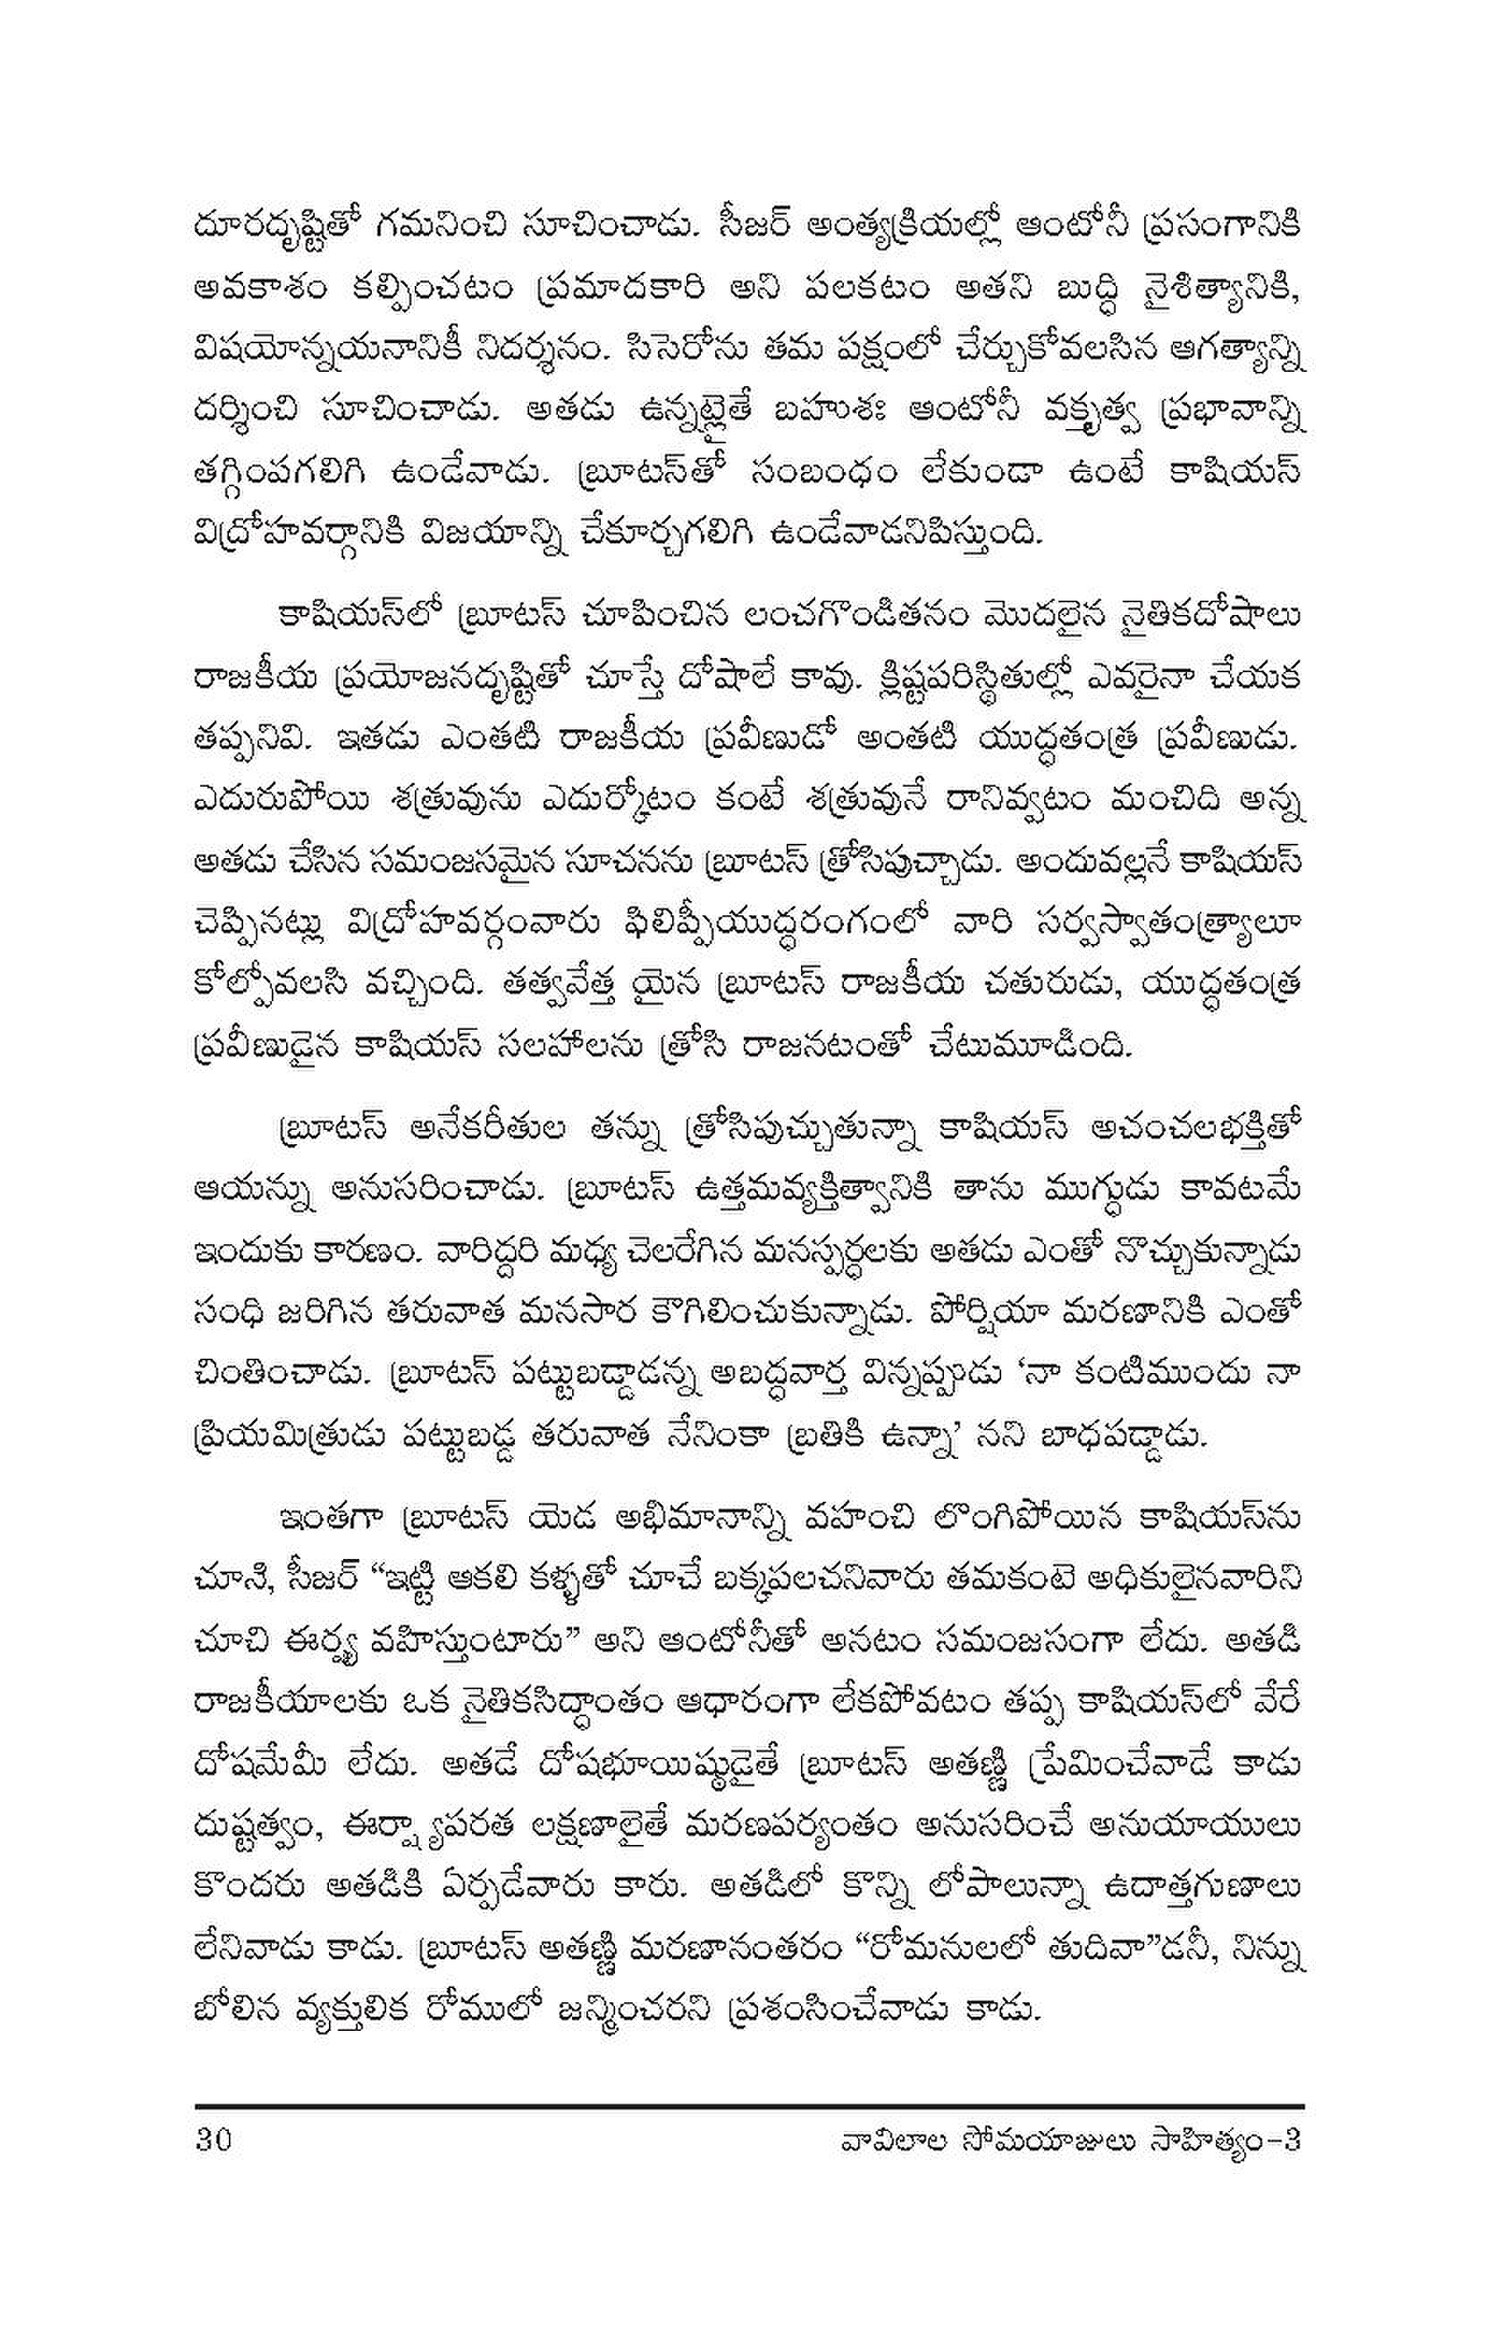దూరదృష్టితో గమనించి సూచించాడు. సీజర్ అంత్యక్రియల్లో ఆంటోనీ ప్రసంగానికి అవకాశం కల్పించటం ప్రమాదకారి అని పలకటం అతని బుద్ధి నైశిత్యానికి, విషయోన్నయనానికీ నిదర్శనం. సిసెరోను తమ పక్షంలో చేర్చుకోవలసిన అగత్యాన్ని
దర్శించి సూచించాడు. అతడు ఉన్నట్లైతే బహుశః ఆంటోనీ వకృత్వ ప్రభావాన్ని తగ్గింపగలిగి ఉండేవాడు. బ్రూటస్ తో సంబంధం లేకుండా ఉంటే కాషియస్ విద్రోహవర్గానికి విజయాన్ని చేకూర్చగలిగి ఉండేవాడనిపిస్తుంది.

కాషియస్ లొ బ్రూటస్ చూపించిన లంచగొండితనం మొదలైన నైతికదోషాలు రాజకీయ ప్రయోజనదృష్టితో చూస్తే దోషాలే కావు. క్లిష్టపరిస్థితుల్లో ఎవరైనా చేయక తప్పనివి. ఇతడు ఎంతటి రాజకీయ ప్రవీణుడో అంతటి యుద్ధతంత్ర ప్రవీణుడు.
ఎదురుపోయి శత్రువును ఎదుర్కోటం కంటే శత్రువునే రానివ్వటం మంచిది అన్న అతడు చేసిన సమంజసమైన సూచనను బ్రూటస్ త్రోసిపుచ్చాడు. అందువల్లనే కాషియస్ చెప్పినట్లు విద్రోహవర్గంవారు ఫిలిప్పీయుద్ధరంగంలో వారి సర్వ స్వాతంత్య్రాలూ కోల్పోవలసి వచ్చింది. తత్వవేత్త యైన బ్రూటస్ రాజకీయ చతురుడు, యుద్ధతంత్ర ప్రవీణుడైన కాషియస్ సలహాలను త్రోసి రాజనటంతో చేటుమూడింది.

బ్రూటస్ అనేకరీతుల తన్ను త్రోసిపుచ్చుతున్నా కాషియస్ అచంచలభక్తితో ఆయన్ను అనుసరించాడు. బ్రూటస్ ఉత్తమ వ్యక్తిత్వానికి తాను ముగ్ధుడు కావటమే ఇందుకు కారణం. వారిద్దరి మధ్య చెలరేగిన మనస్పర్ధలకు అతడు ఎంతో నొచ్చు కున్నాడు సంధి జరిగిన తరువాత మనసార కౌగిలించుకున్నాడు. పోర్షియా మరణానికి ఎంతో చింతించాడు. బ్రూటస్ పట్టుబడ్డాడన్న అబద్దవార్త విన్నప్పుడు 'నా కంటిముందు నా ప్రియమిత్రుడు పట్టుబడ్డ తరువాత నేనింకా బ్రతికి ఉన్నా' నని బాధపడ్డాడు. 

ఇంతగా బ్రూటస్ యెడ అభిమానాన్ని వహంచి లొంగిపోయిన కాషియస్ నన్ను చూసి, సీజర్ "ఇట్టి ఆకలి కళ్ళతో చూచే బక్కపలచనివారు తమకంటె అధికులైనవారిని చూచి ఈర్ష్య వహిస్తుంటారు" అని ఆంటోనీతో అనటం సమంజసంగా లేదు. అతడి రాజకీయాలకు ఒక నైతికసిద్ధాంతం ఆధారంగా లేకపోవటం తప్ప కాషియస్ లొ వేరే దోషమేమీ లేదు. అతడే దోషభూయిష్ఠుడైతే బ్రూటస్ అతణ్ణి ప్రేమించేవాడే కాడు దుష్టత్వం, ఈర్ష్యపరత లక్షణాలైతే మరణపర్యంతం అనుసరించే అనుయాయులు కొందరు అతడికి ఏర్పడేవారు కారు. అతడిలో కొన్ని లోపాలున్నా ఉదాత్తగుణాలు లేనివాడు కాడు. బ్రూటస్ అతణ్ణి మరణానంతరం “రోమనులలో తుదివా”డనీ, నిన్ను బోలిన వ్యక్తులిక రోములో జన్మించరని ప్రశంసించేవాడు కాడు.
30వావిలాల సోమయాజులు సాహిత్యం-3